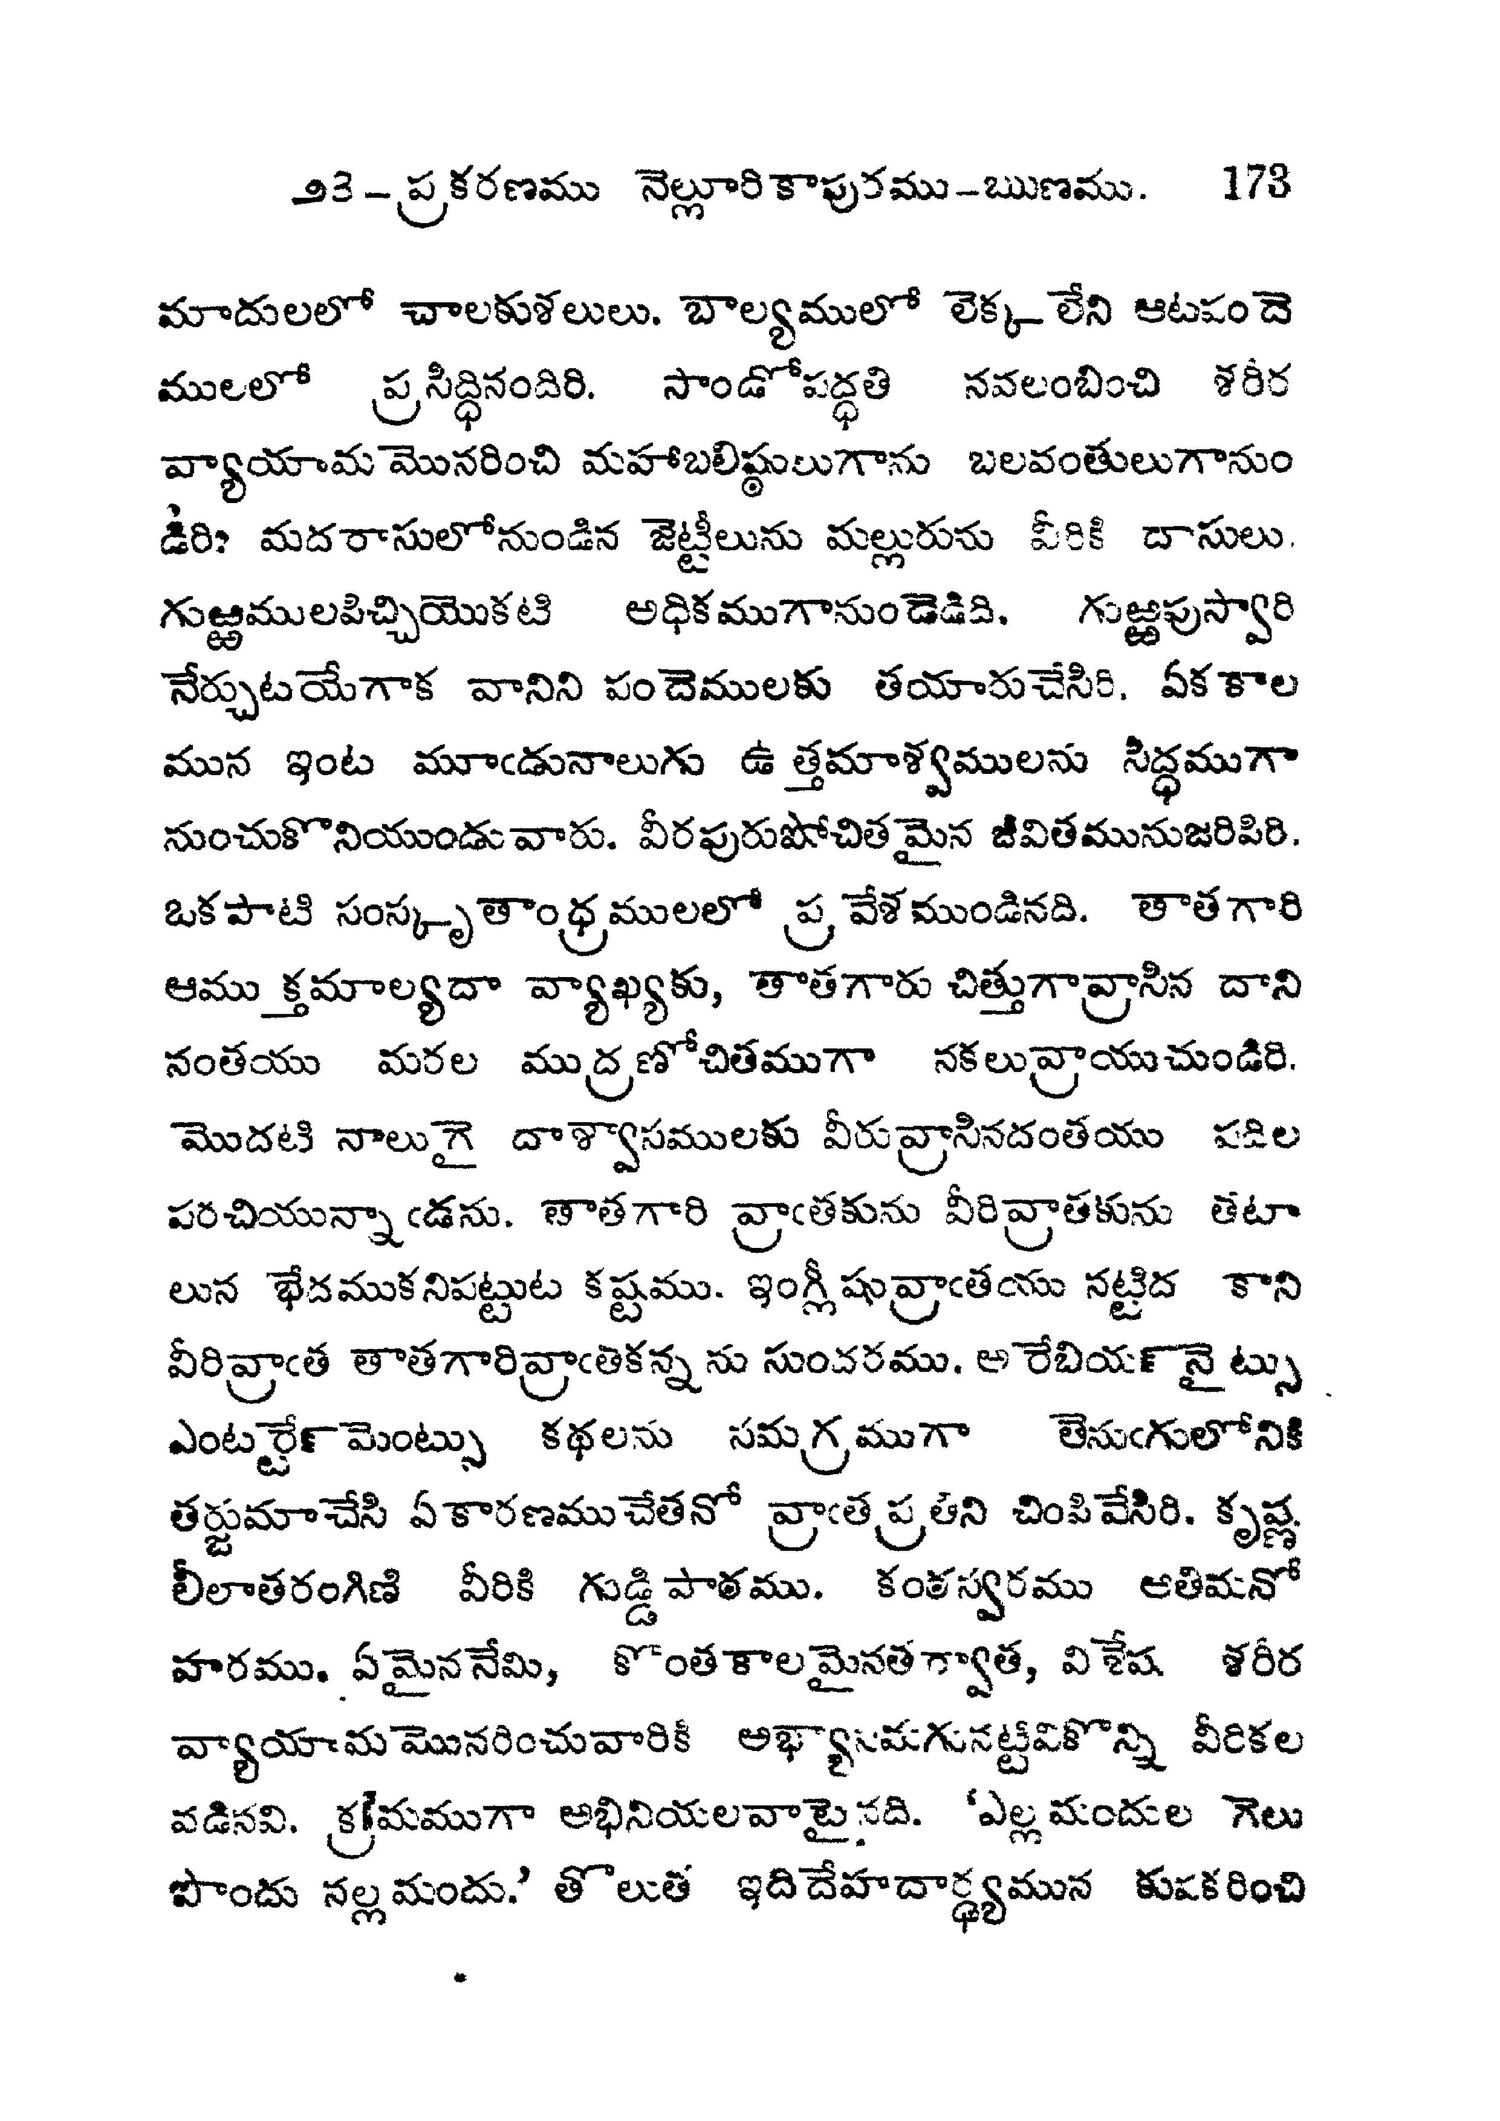మాదులలో చాలకుశలులు. బాల్యములో లెక్కలేని ఆటపందెములలో ప్రసిద్ధినందిరి. సాండోపద్ధతి నవలంబించి శరీర వ్యాయామమొనరించి మహాబలిష్ఠులుగాను బలవంతులుగా నుండిరి: మదరాసులో నుండిన జెట్టీలును మల్లురును వీరికి దాసులు. గుఱ్ఱముల పిచ్చియొకటి అధికముగా నుండెడిది. గుఱ్ఱపుస్వారి నేర్చుటయేగాక వానిని పందెములకు తయారుచేసిరి. ఏకకాలమున ఇంట మూడునాలుగు ఉత్తమాశ్వములను సిద్ధముగా నుంచుకొని యుండువారు. వీరపురుషోచితమైన జీవితమునుజరిపిరి. ఒకపాటి సంస్కృతాంధ్రములలో ప్రవేశముండినది. తాతగారి ఆముక్తమాల్యదా వ్యాఖ్యకు, తాతగారు చిత్తుగావ్రాసిన దాని నంతయు మరల ముద్రణోచితముగా నకలువ్రాయుచుండిరి. మొదటి నాలుగై దాశ్వాసములకు వీరువ్రాసిన దంతయు పదిల పరచియున్నాడను. తాతగారి వ్రాతకును వీరివ్రాతకును తటాలున భేదముకనిపట్టుట కష్టము. ఇంగ్లీషు వ్రాతయు నట్టిద కాని వీరివ్రాత తాతగారి వ్రాతకన్నను సుందరము. అరేబియన్‌నైట్సు ఎంటర్టేన్‌మెంట్సు కథలను సమగ్రముగా తెనుగులోనికి తర్జుమాచేసి ఏకారణముచేతనో వ్రాతప్రతిని చింపివేసిరి. కృష్ణ లీలాతరంగిణి వీరికి గుడ్డిపాఠము. కంఠస్వరము అతిమనోహరము. ఏమైననేమి, కొంతకాలమైన తర్వాత, విశేష శరీర వ్యాయామమొనరించువారికి అభ్యాసమగునట్టివికొన్ని వీరికలవడినవి. క్రమముగా అభినియలవాటైనది. 'ఎల్లమందుల గెలుపొందు నల్లమందు.' తొలుత ఇదిదేహదార్డ్యమున కుపకరించి